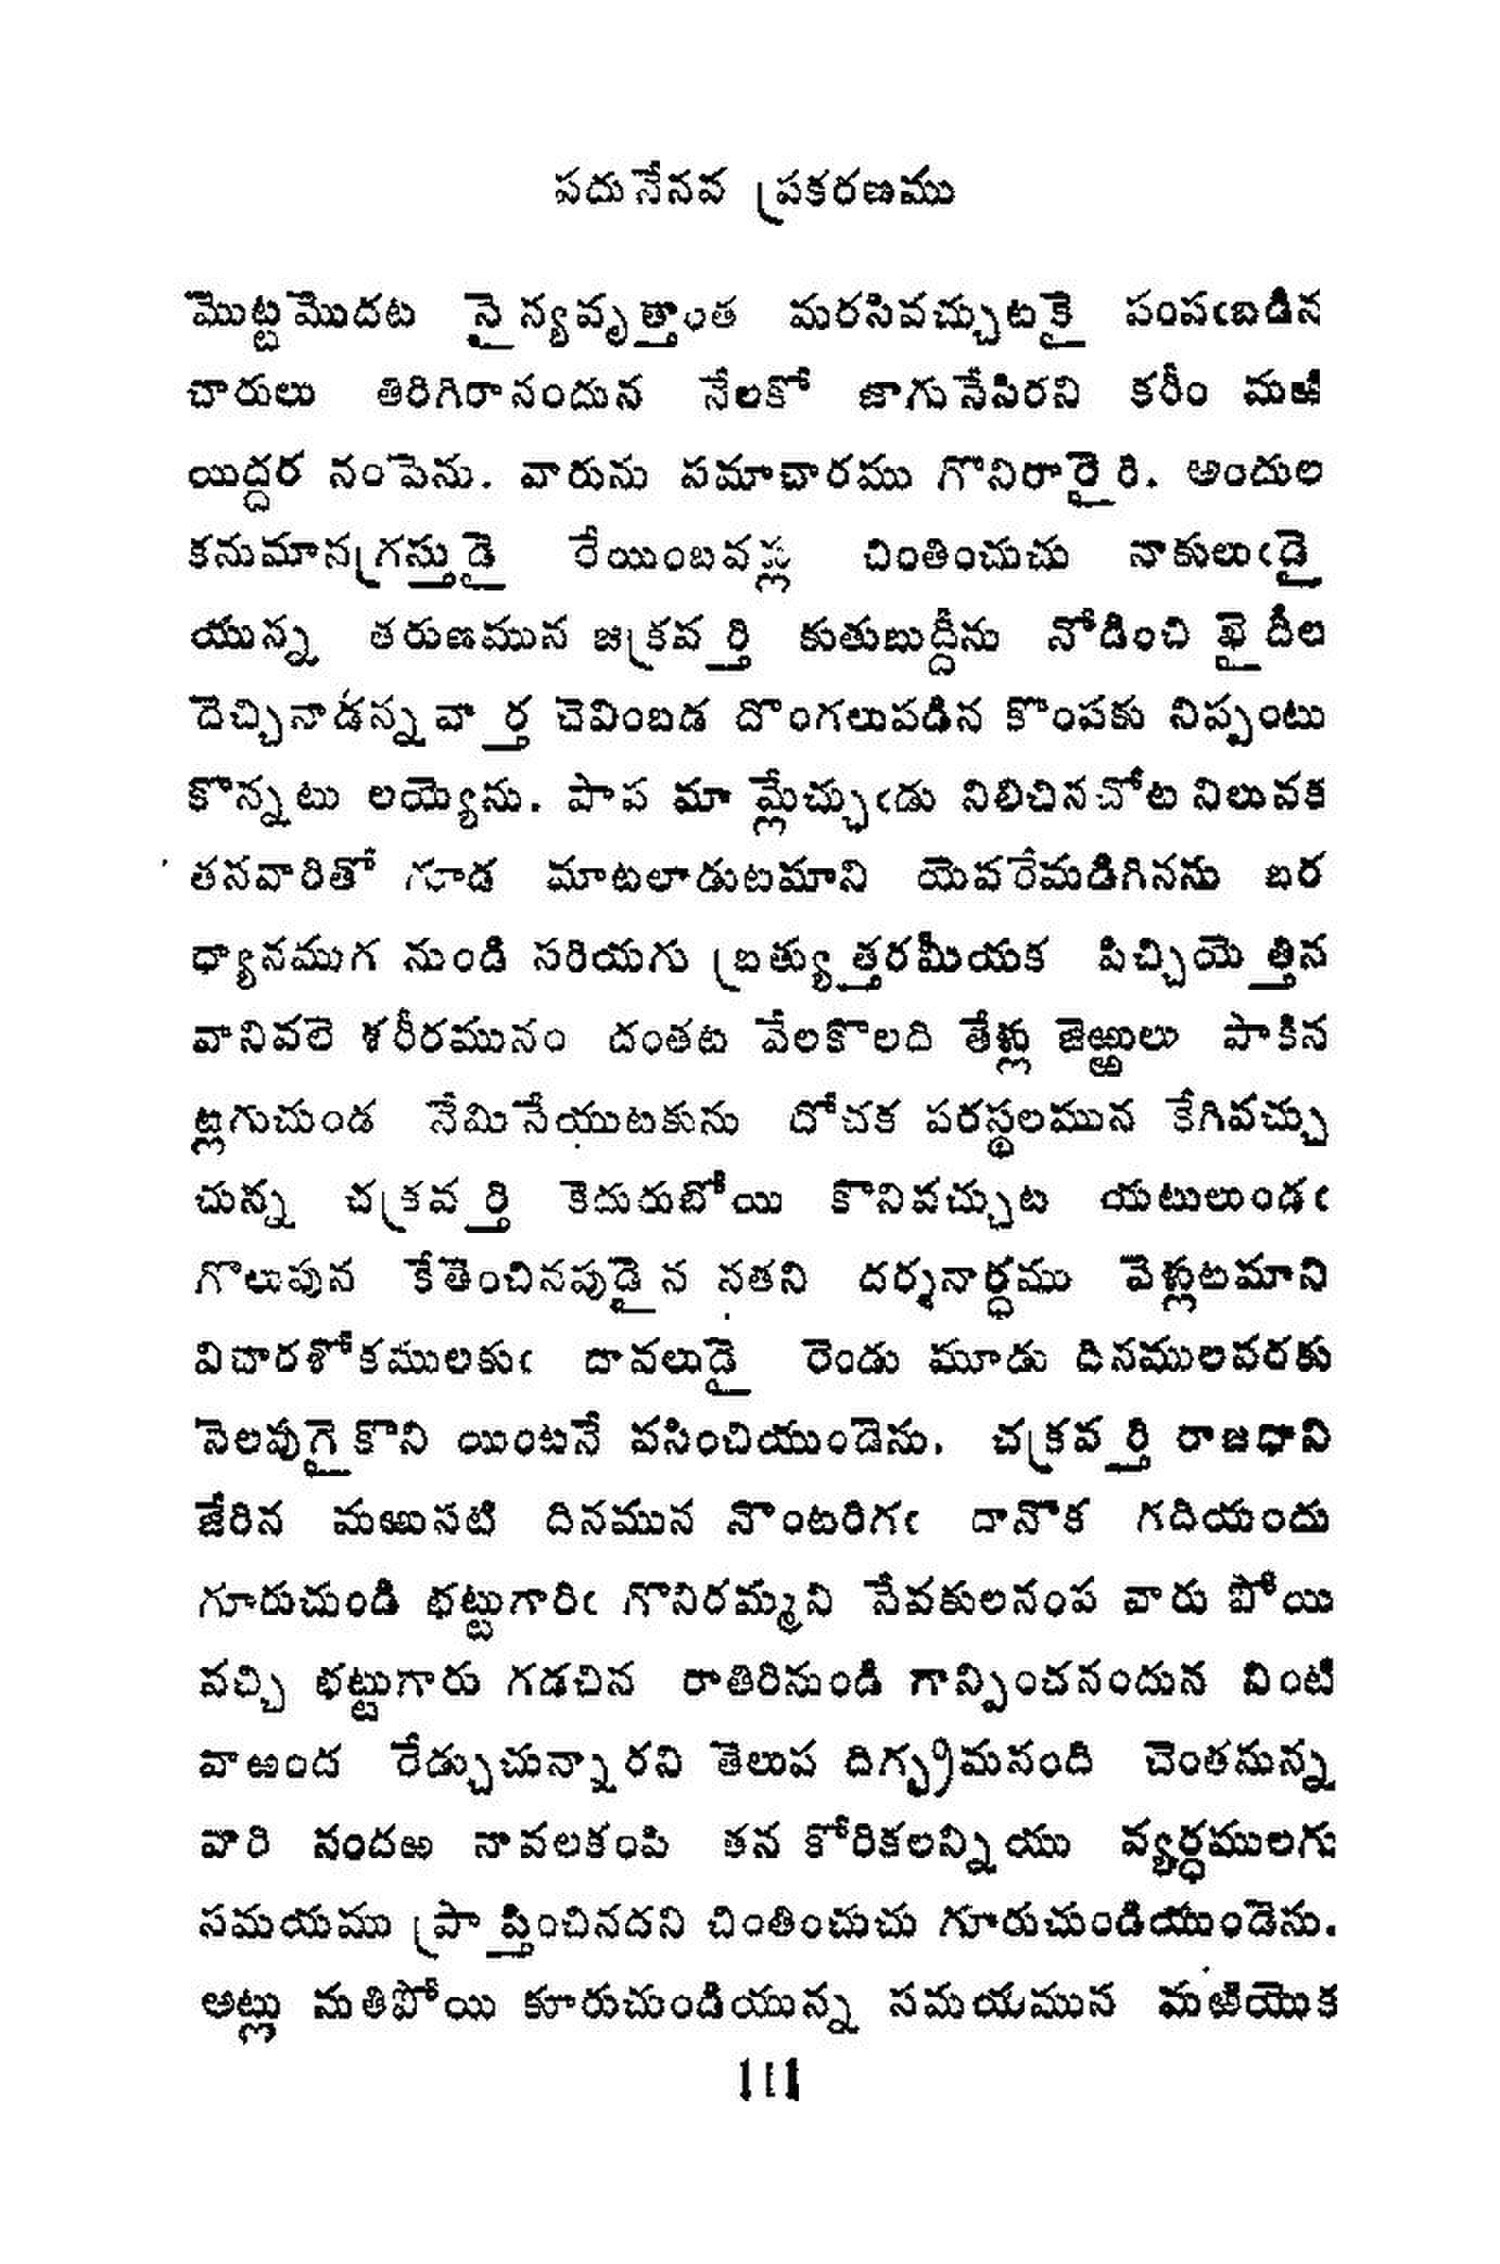మొట్టమొదట సైన్యవృత్తాంత మరసివచ్చుటకై పంపఁబడిన చారులు తిరిగిరానందున నేలకో జాగుసేసిరని కరీం మఱి యిద్దర నంపెను. వారును సమాచారము గొనిరారైరి. అందుల కనుమానగ్రస్తుడై రేయింబవళ్లు చింతించుచు నాకులుఁడై యున్న తరుణమున జక్రవర్తి కుతుబుద్దీను నోడించి ఖైదీల దెచ్చినాడన్న వార్త చెవింబడ దొంగలుపడిన కొంపకు నిప్పంటు కొన్నటు లయ్యెను. పాప మా మ్లేచ్చుఁడు నిలిచినచోట నిలువక తనవారితో గూడ మాటలాడుటమాని యెవరేమడిగినను బరధ్యానముగ నుండి సరియగు బ్రత్యుత్తరమీయక పిచ్చియెత్తిన వానివలె శరీరమునం దంతట వేలకొలది తేళ్లు జెఱ్ఱులు పాకినట్లగుచుండ నేమిసేయుటకును దోచక పరస్థలమున కేగివచ్చు చున్న చక్రవర్తి కెదురుబోయి కొనివచ్చుట యటులుండఁ గొలువున కేతెంచినపుడై న నతని దర్శనార్దము వెళ్లటమాని విచారశోకములకుఁ దావలుడై రెండు మూడు దినములవరకు సెలవుగైకొని యింటనే వసించియుండెను. చక్రవర్తి రాజధాని జేరిన మఱుసటి దినమున నొంటరిగఁ దానొక గదియందు గూరుచుండి భట్టుగారిఁ గొనిరమ్మని సేవకులనంప వారు పోయి వచ్చి భట్టుగారు గడచిన రాతిరినుండి గాన్పించనందున వింటి వాఱంద రేడ్చుచున్నారని తెలుప దిగ్బ్రమనంది చెంతనున్న వారి నందఱ నావలకంపి తన కోరికలన్నియు వ్యర్ధములగు సమయము ప్రాప్తించినదని చింతించుచు గూరుచుండియుండెను. అట్లు మతిపోయి కూరుచుండియున్న సమయమున మఱియొక